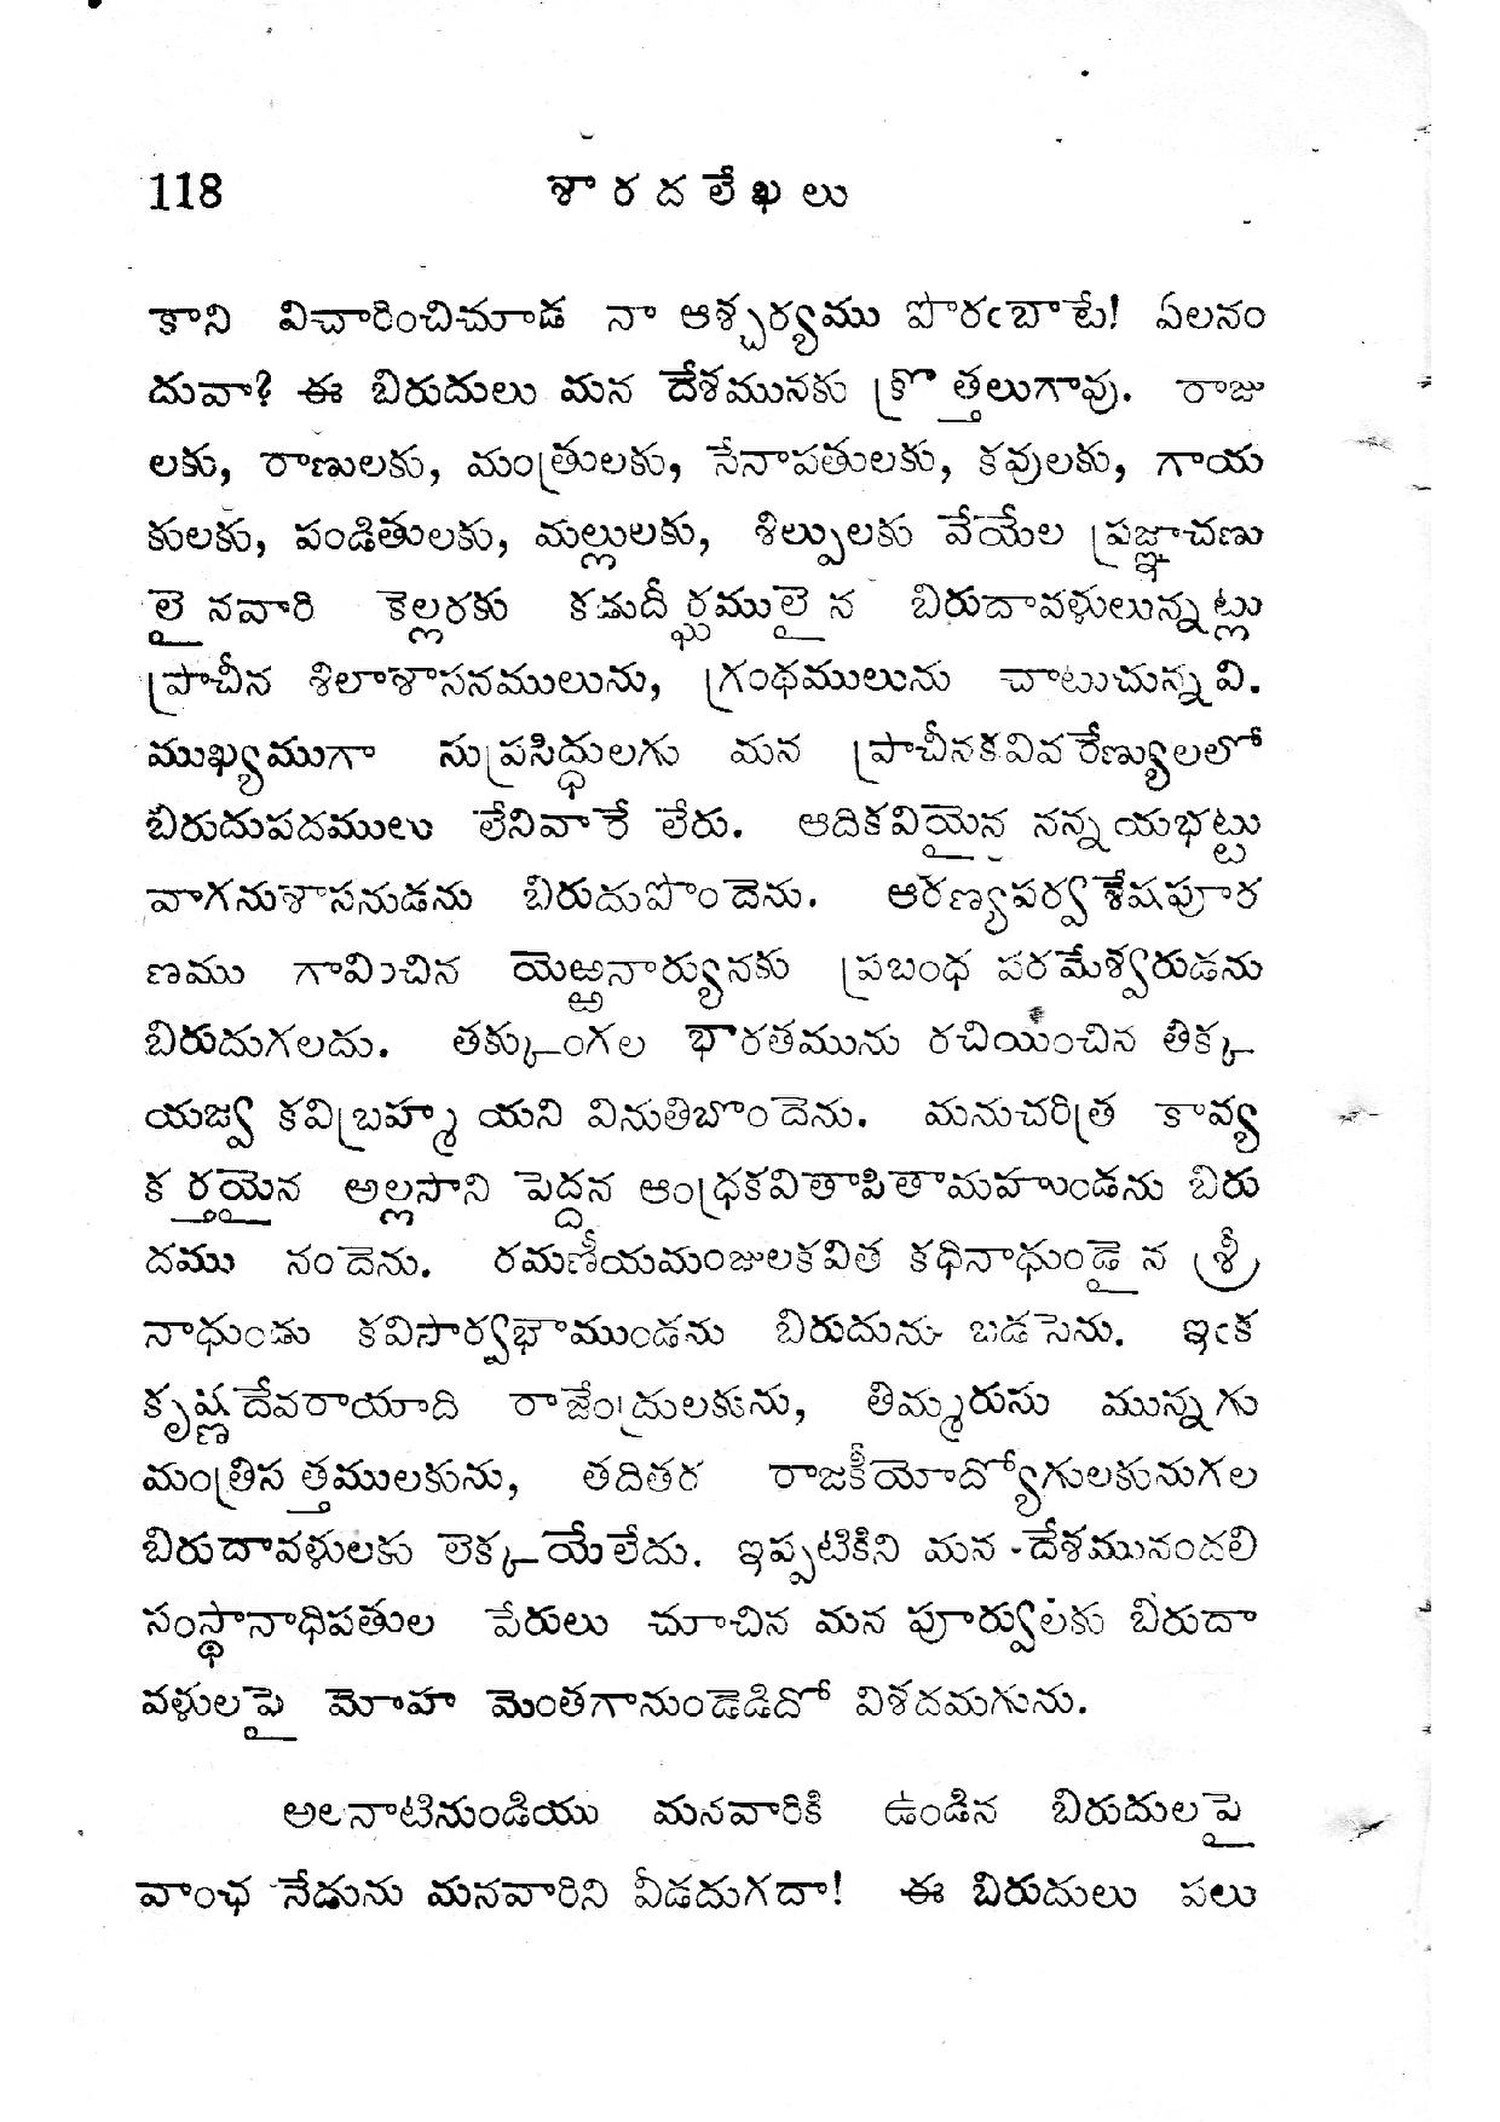కాని విచారించిచూడ నా ఆశ్చర్యము పొరఁబాటే! ఏలనందువా? ఈ బిరుదులు మన దేశమునకు క్రొత్తలుగావు. రాజులకు, రాణులకు, మంత్రులకు, సేనాపతులకు, కవులకు, గాయకులకు, పండితులకు, మల్లులకు, శిల్పులకు వేయేల ప్రజ్ఞాచణులైనవారి కెల్లరకు కడుదీర్ఘములైన బిరుదావళులున్నట్లు ప్రాచీన శిలాశాసనములును, గ్రంథములును చాటుచున్నవి. ముఖ్యముగా సుప్రసిద్ధులగు మన ప్రాచీనకవివరేణ్యులలో బిరుదుపదములు లేనివారే లేరు. ఆదికవియైన నన్నయభట్టు వాగనుశాసనుడను బిరుదుపొందెను. ఆరణ్యపర్వశేషపూరణము గావించిన యెఱ్ఱనార్యునకు ప్రబంధ పరమేశ్వరుడను
బిరుదుగలదు. తక్కుంగల భారతమును రచియించిన తిక్కయజ్వ కవిబ్రహ్మ యని వినుతిబొందెను. మనుచరిత్ర కావ్యకర్తయైన అల్లసాని పెద్దన ఆంధ్రకవితాపితామహుఁడను బిరుదము నందెను. రమణీయమంజులకవిత కధినాధుండైన శ్రీనాధుండు కవిసార్వభౌముండను బిరుదును బడసెను. ఇఁక
కృష్ణదేవరాయాది రాజేంద్రులకును, తిమ్మరుసు మున్నగు మంత్రిసత్తములకును, తదితర రాజకీయోద్యోగులకునుగల బిరుదావళులకు లెక్కయేలేదు. ఇప్పటికిని మన దేశమునందలి సంస్థానాధిపతుల పేరులు చూచిన మన పూర్వులకు బిరుదావళులపై మోహ మెంతగానుండెడిదో విశదమగును.

అలనాటినుండియు మనవారికి ఉండిన బిరుదులపై వాంఛ నేడును మనవారిని వీడదుగదా! ఈ బిరుదులు పలు